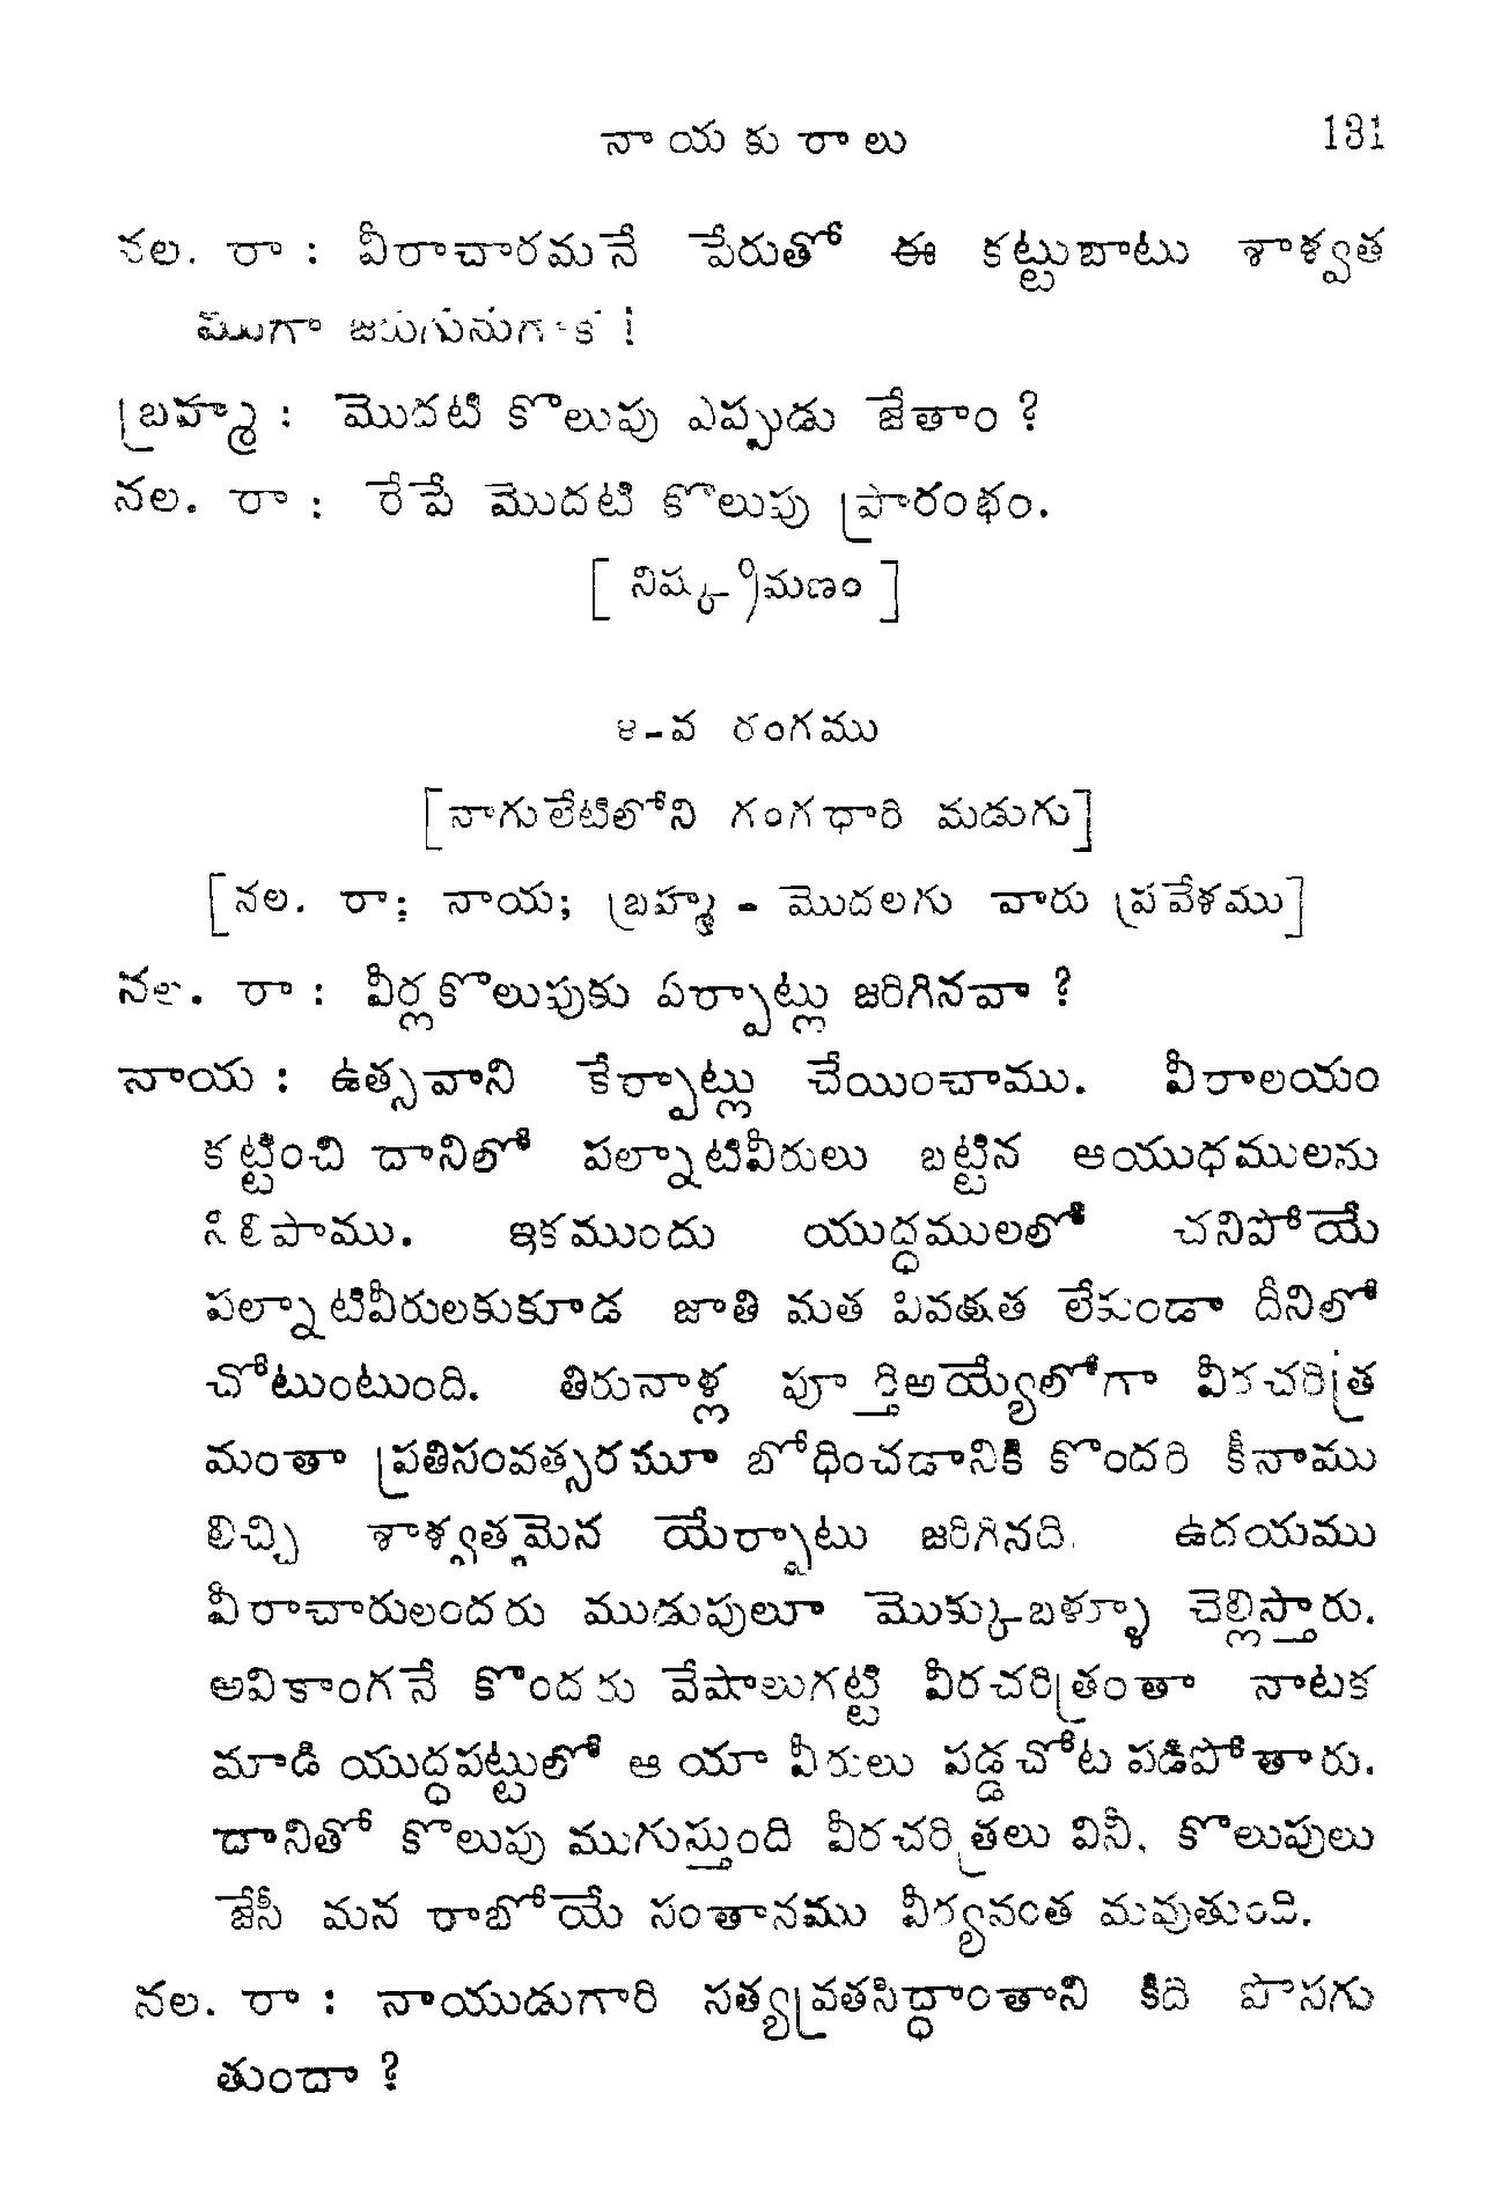నల. రా : వీరాచారమనే పేరుతో ఈ కట్టుబాటు శాశ్వతముగా జరుగునుగాక!

బ్రహ్మ : మొదటి కొలుపు ఎప్పుడు జేతాం ?

నల. రా : రేపే మొదటి కొలుపు ప్రారంభం.

నల. రా : వీర్లకొలుపుకు ఏర్పాట్లు జరిగినవా ?

నాయ : ఉత్సవాని కేర్పాట్లు చేయించాము. వీరాలయం కట్టించి దానిలో పల్నాటివీరులు బట్టిన ఆయుధములను నిలిపాము. ఇకముందు యుద్ధములలో చనిపోయే పల్నాటివీరులకుకూడ జాతి మత వివక్షత లేకుండా దీనిలో చోటుంటుంది. తిరునాళ్ల పూర్తిఅయ్యేలోగా వీరచరిత్ర మంతా ప్రతిసంవత్సరమూ బోధించడానికి కొందరి కీనాము లిచ్చి శాశ్వతమైన యేర్పాటు జరిగినది ఉదయము
వీరాచారులందరు ముడుపులూ మొక్కుబళ్ళూ చెల్లిస్తారు. అవికాంగనే కొందరు వేషాలుగట్టి వీరచరిత్రంతా నాటక మాడి యుద్ధపట్టులో ఆ యా వీరులు పడ్డచోట పడిపోతారు. దానితో కొలుపు ముగుస్తుంది వీరచరిత్రలు వినీ, కొలుపులు జేసీ మన రాబోయే సంతానము వీర్యవంత మవుతుంది.

నల. రా : నాయుడుగారి సత్యవ్రతసిద్ధాంతాని కిది పొసగుతుందా?